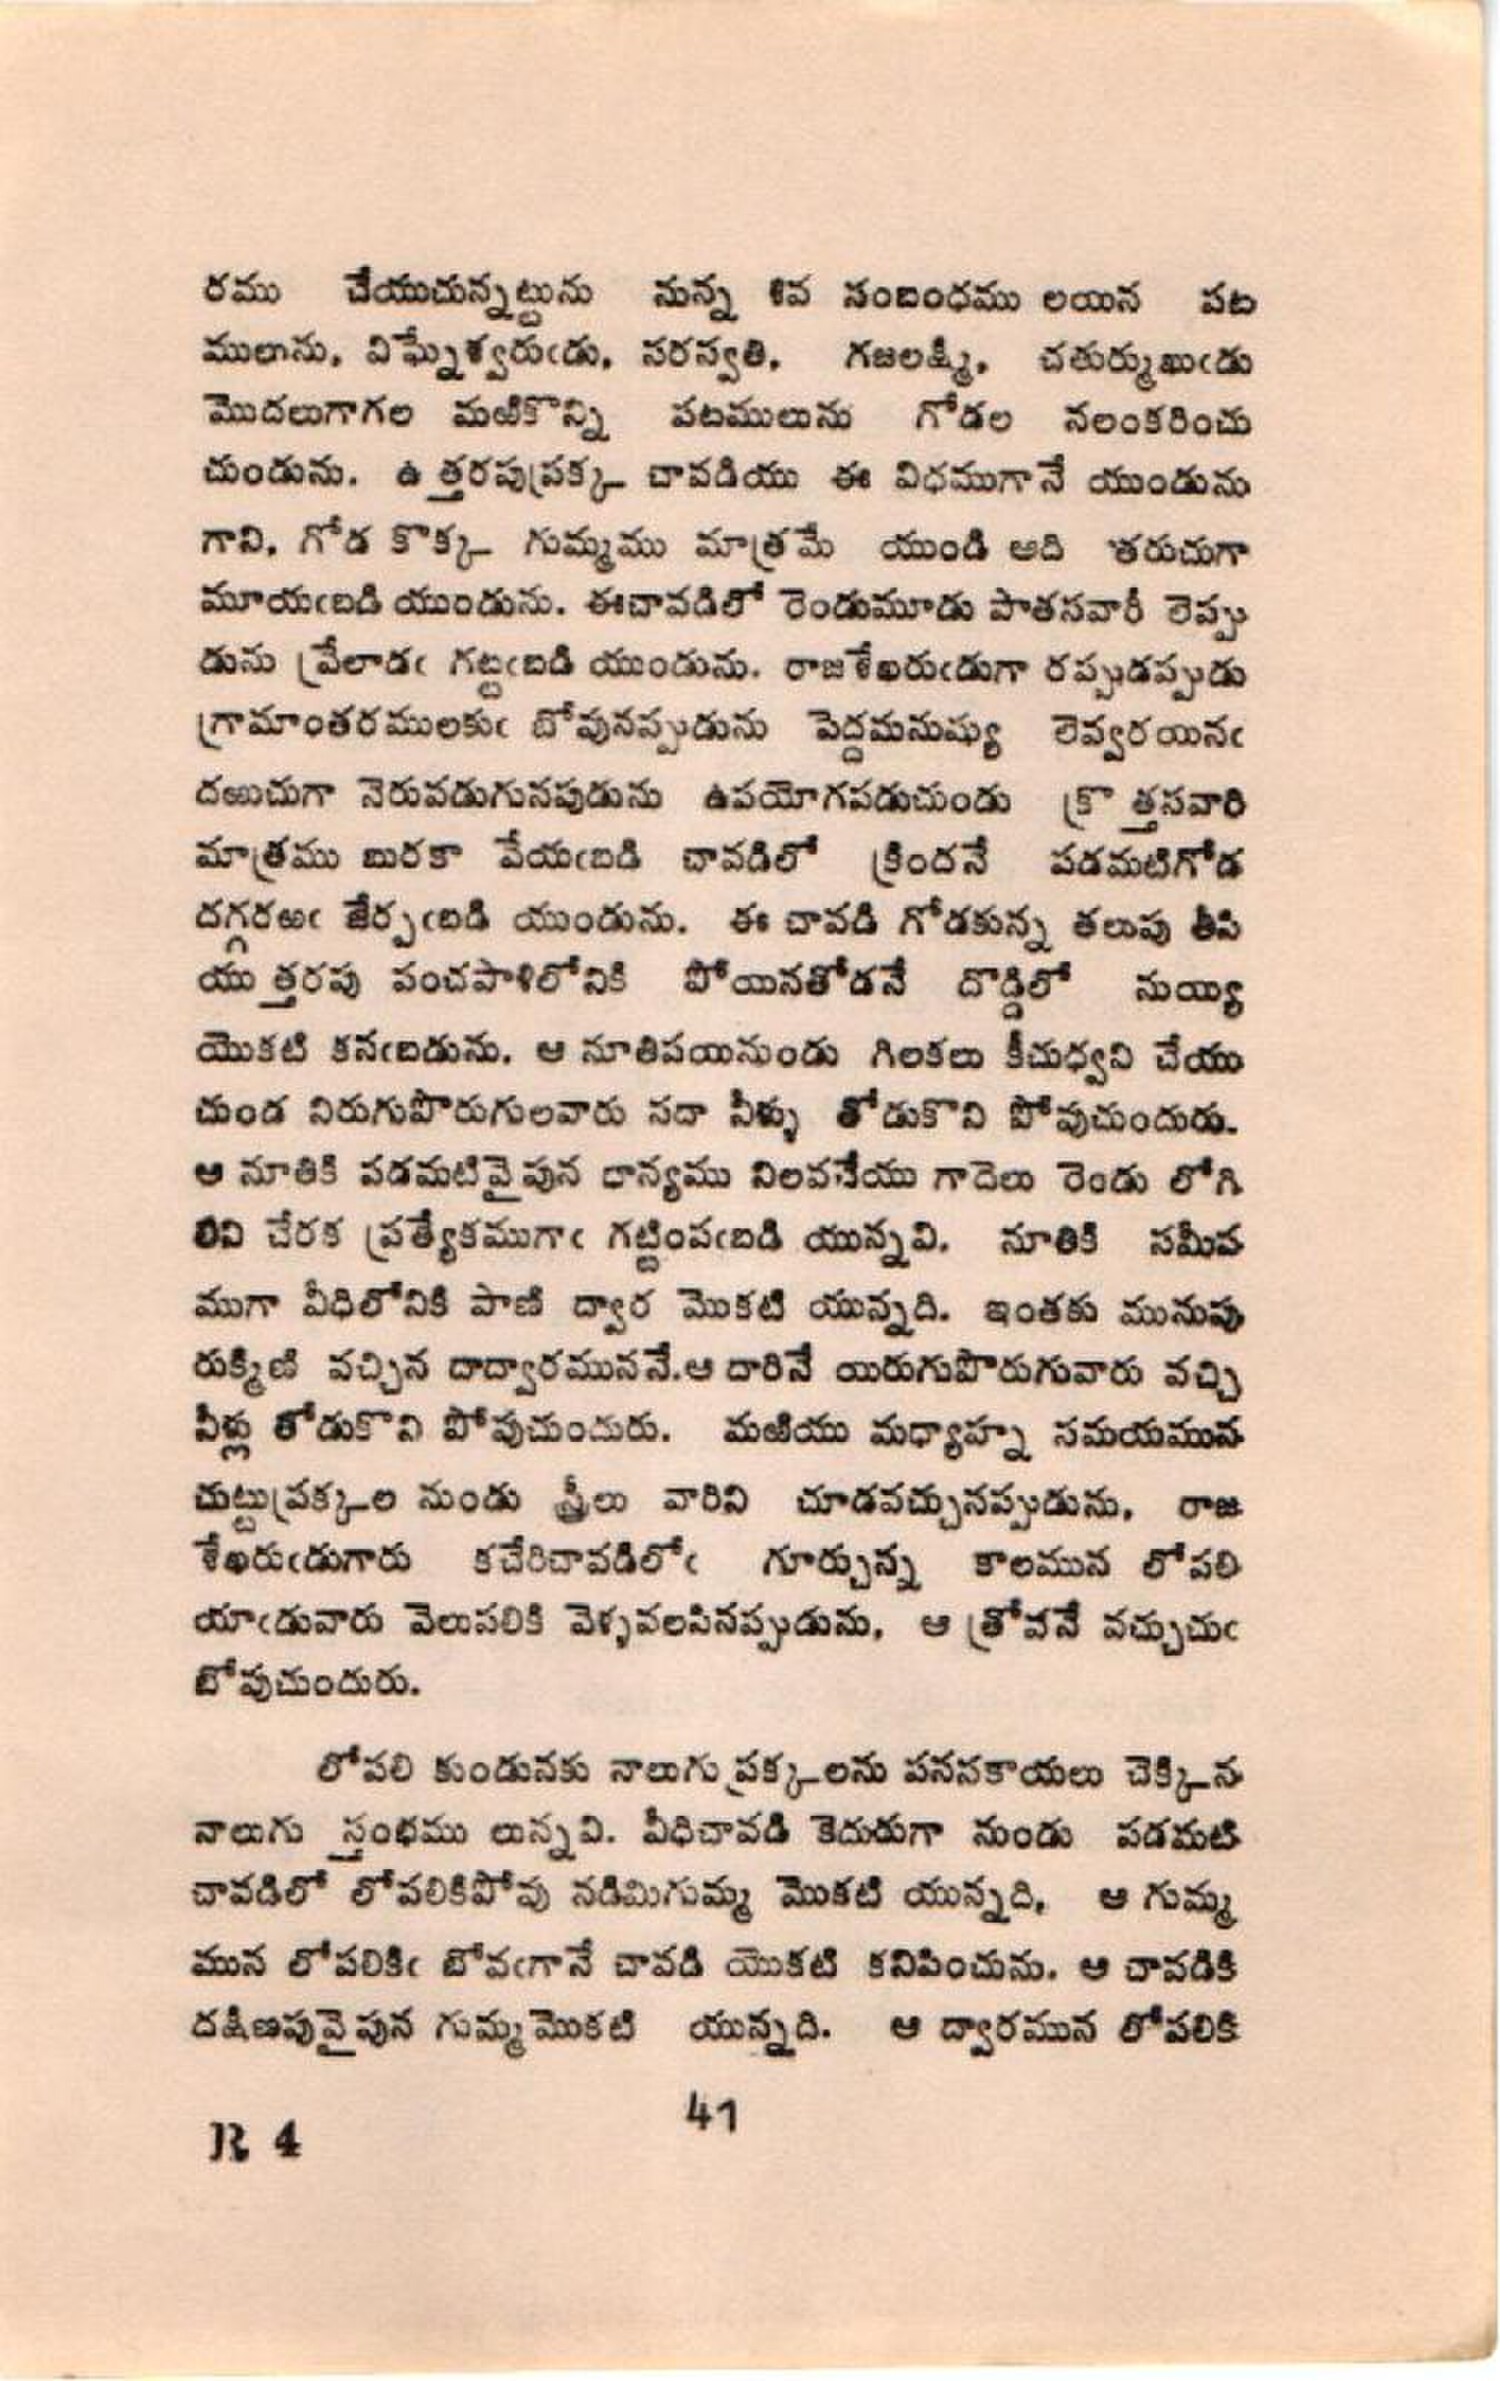రము చేయుచున్నట్టును నున్న శివ సంబంధము లయిన పటములను, , విఘ్నేశ్వరుఁడు, సరస్వతి, గజలక్ష్మీ, చతుర్ముఖుఁడు మొదలుగాగల మఱికొన్ని పటములును గోడల నలంకరించు చుండును. ఉత్తరపు ప్రక్క చావడియు ఈ విధముగానే యుండును గాని, గోడ కొక్క గుమ్మము మాత్రమే యుండి అది తరుచుగా మూయబడి యుండును. ఈచావడిలో రెండుమూడు పాతసవారీ లెప్పుడును వేలాడఁ గట్టబడి యుండును. రాజశేఖరుఁడుగా రప్పుడప్పుడు గ్రామాంతరములకుఁ బోవునప్పుడును పెద్దమనుష్యు లెవ్వరయినఁ దఱుచుగా నెరువడుగునపడును ఉపయోగపడుచుండు క్రొత్త సవారి మాత్రము బురకా వేయఁబడి చావడిలో క్రిందనే పడమటిగోడ దగ్గరఱఁ జేర్పబడి యుండును. ఈ చావడి గోడకున్న తలుపు తీపి యుత్తరపు పంచపాళిలోనికి పోయినతోడనే దొడ్డిలో నుయ్యి యొకటి కనఁబడును. ఆ నూతిపయినుండు గిలకలు కీచుధ్వని చేయు చుండ నిరుగుపొరుగులవారు సదా నీళ్ళు తోడుకొని పోవుచుందురు. ఆ నూతికి పడమటివైపున ధాన్యము నిలవచేయు గాదెలు రెండు లోగిలిని చేరక ప్రత్యేకముగా గట్టింపఁబడి యున్నవి. నూతికి సమీప ముగా వీధిలోనికి పాణి ద్వార మొకటి యున్నది. ఇంతకు మునుపు రుక్మిణి వచ్చిన దాద్వారముననే ఆ దారినే యిరుగుపొరుగువారు వచ్చి నీళ్ళు తోడుకొని పోవుచుందురు. మఱియు మధ్యాహ్న సమయమున చుట్టుప్రక్కల నుండు స్త్రీలు వారిని చూడవచ్చునప్పడును, రాజ శేఖరుఁడుగారు కచేరిచావడిలోఁ గూర్చున్న కాలమున లోపలి యాఁడువారు వెలుపలికి వెళ్ళవలసినప్పడును, ఆ త్రోవనే వచ్చుచుఁ బోవుచుందురు.

లోపలి కుండునకు నాలుగు ప్రక్కలను పనసకాయలు చెక్కిన నాలుగు స్తంభము లున్నవి. వీధిచావడి కెదురుగా నుండు పడమటి చావడిలో లోపలికిపోవు నడిమిగుమ్మ మొకటి యున్నది, ఆ గుమ్మమున లోపలికిఁ బోవగానే చావడి యొకటి కనిపించును. ఆ చావడికి దక్షిణపువైపున గుమ్మమొకటి యున్నది. ఆ ద్వారమున లోపలికి